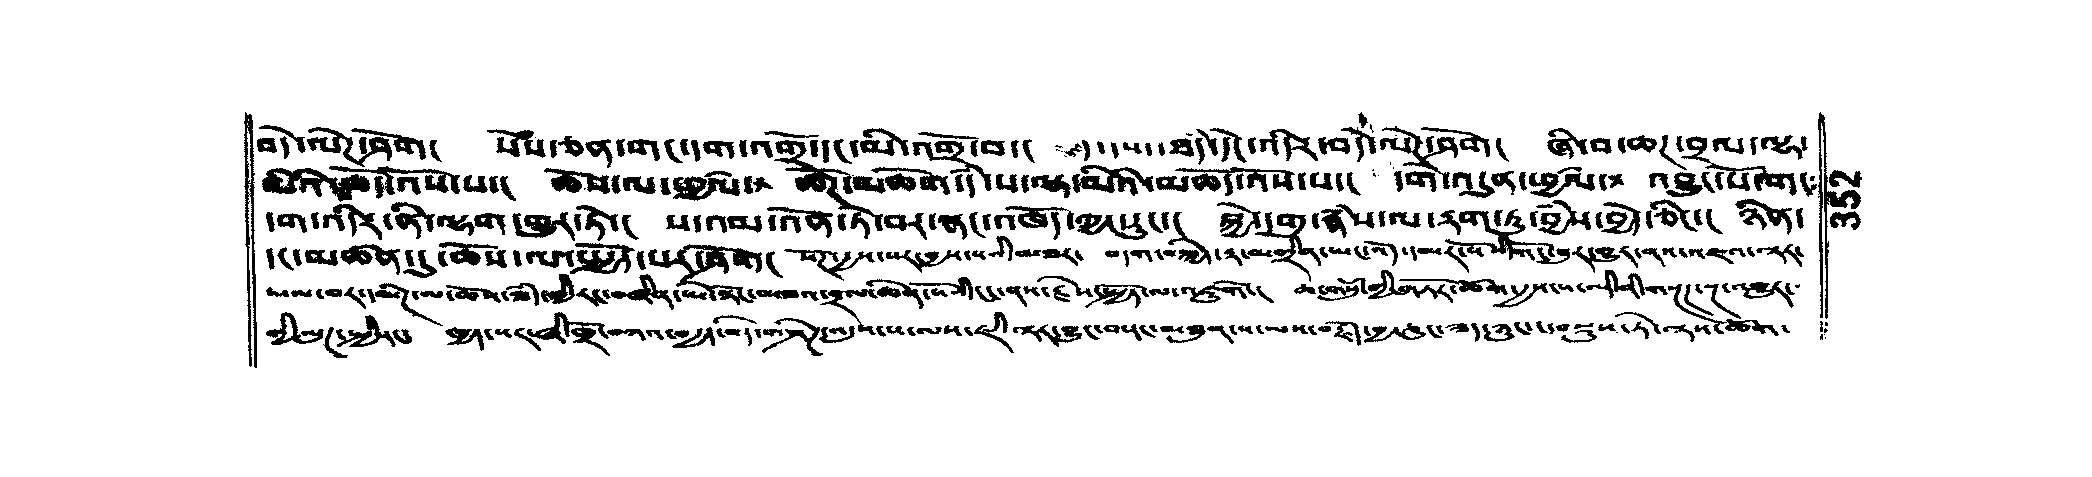བདེ་ལེགས་ཤོག །སེམས་ཅན་གང་དག་འགྲོ་དང་མི་འགྲོ་བ། དེ་དག་ཐམས་ཅད་དེང་འདིར་བདེ་ལེགས་ཤོག །ཞི་བ་ཆགས་བྲལ་ལྷ་
མིའི་མཆོད་འོས་པ། །ཆོས་ལ་ཕྱག་འཚལ་དེང་འདིར་བདེ་ལེགས་ཤོག། །ཚོགས་མཆོག་དམ་པ་ལྷ་མིའི་མཆོད་འོས་པ། །དགེ་འདུན་ཕྱག་འཚལ་བདེ་ལེགས་ཤོག །འབྱུང་པོ་གང་
དག་འདིར་ནི་ལྷག་གྱུར་ཏམ། །སའམ་འོན་ཏེ་བར་སྣང་འཁོད་ཀྱང་རུང་། །སྐྱེ་དགུ་རྣམས་ལ་རྟག་ཏུ་བྱམས་བྱེད་ཅིང། །ཉིད་
དང་མཚན་དུ་ཆོས་ལ་སྤྱོད་པར་ཤོག སོགས་རྒྱས་པར་བྱས་པའི་མཐར། བདག་བསྐྱེད་རྟ་མགྲིན་ཡང་འོད་དམར་པོའི་གོང་བུར་གྱུར་ནས་འཇའ་ལྟར་
ཡལ་བར་དམིགས་ལ་ཆོས་ཐམས་ཅད་ཀྱི་རང་བཞིན་ཡེ་སྟོང་མཐའ་བྲལ་ཆེན་པོའི་ངང་ནས་རྗེས་སྤྱོད་ལ་འཇུག་གོ། ཆ་གསུམ་གྱི་གཏོར་ཆོག་རྒྱས་པ་འདི་ནི་གསང་སྔགས་སྔ་འགྱུར་
གྱི་ལུགས་སྤྱི་དང་། ཁྱད་པར་ཞི་ཁྲོ་བཀའ་བརྒྱད་བདེ་གཤེགས་འདུས་པ་ལས་ཇི་ལྟར་བྱུང་བ་དང་མཐུན་པ་ལས་བརྗོད་བྱ་ཅུང་ཟད་ཉུང་ངུར་བསྡུས་ཏེ་ལྟས་ཆོག་